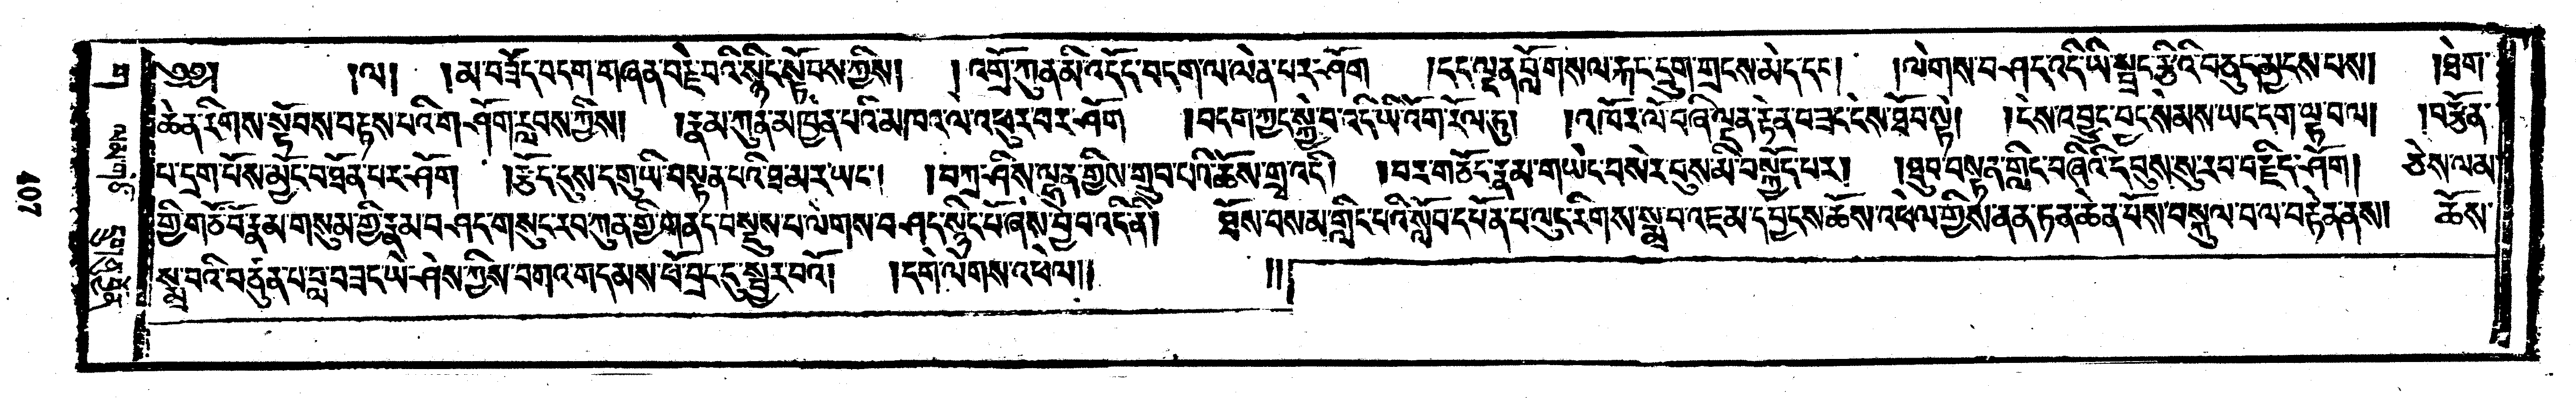༄༅། །ལ། །མ་བཟོད་བདག་གཞན་བརྗེ་བའི་སྙིང་སྟོབས་ཀྱིས། །འགྲོ་ཀུན་མི་འདོད་བདག་ལ་ལེན་པར་ཤོག །དད་ལྡན་བློ་གསལ་ལ་རྐང་དྲུག་གྲངས་མེད་དང་། །ལེགས་བཤད་འདི་ཡི་སྦྲང་རྩིའི་བཅུད་མྱངས་པས། །ཐེག་
ཆེན་རིགས་སྟོབས་བརྟས་པའི་གཤོག་རླབས་ཀྱིས། །རྣམ་ཀུན་མཁྱེན་པའི་མཁའ་ལ་འཕུར་བར་ཤོག །བདག་ཀྱང་སྐྱེ་བ་འདི་ཡི་འོག་རོལ་ཏུ། །འཁོར་ལོ་བཞི་ལྡན་རྟེན་བཟང་ངེས་ཐོབ་སྟེ། །ངེས་འབྱུང་བྱང་སེམས་ཡང་དག་ལྟ་བ་ལ། །བརྩོན་
པ་དྲག་པོས་མྱོང་བ་ཐོན་པར་ཤོག །རྩོད་དུས་དགུ་ཡི་བསྟན་པའི་ཐ་མར་ཡང་། །བཀྲ་ཤིས་ལྷུན་གྱིས་གྲུབ་པའི་ཆོས་གྲྭ་འདི། །བར་གཅོད་རྣམ་གཡེང་བསེར་བུས་མི་བསྐྱོད་པར། །ཐུབ་བསྟན་གླིང་བཞིའི་དབུས་སུ་རབ་བརྗིད་ཤོག། ཅེས་ལམ་
གྱི་གཙོ་བོ་རྣམ་གསུམ་གྱི་རྣམ་བཤད་གསུང་རབ་ཀུན་གྱི་གནད་བསྡུས་པ་ལེགས་བཤད་སྙིང་པོ་ཞེས་བྱ་བ་འདི་ནི། ཐོས་བསམ་གླིང་པའི་སློབ་དཔོན་པ་ལུང་རིགས་སྨྲ་བ་འཇམ་དབྱངས་ཆོས་འཕེལ་གྱིས་ནན་ཏན་ཆེན་པོས་བསྐུལ་བ་ལ་བརྟེན་ནས། ཆོས་
སྨྲ་བའི་བཙུན་པ་བླ་བཟང་ཡེ་ཤེས་ཀྱིས་བགའ་གདམས་ཕོ་བྲང་དུ་སྦྱར་བའོ། །དགེ་ལེགས་འཕེལ།། །།